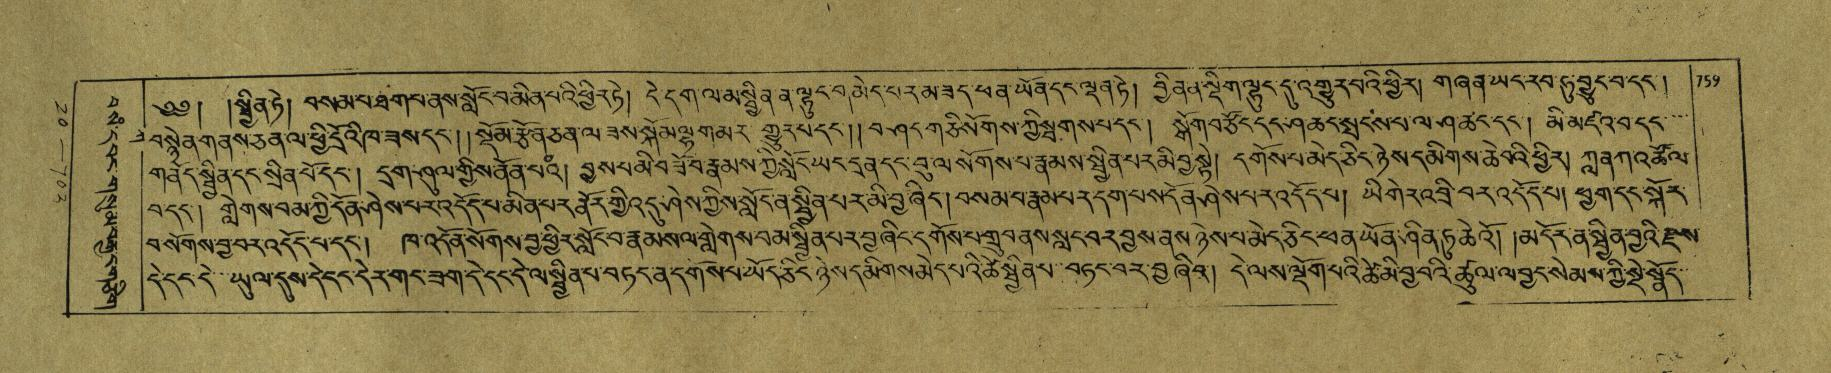༄༅། །སྦྱིན་ཏེ། བསམ་པ་ཐག་པ་ནས་སློང་བ་མིན་པའི་ཕྱིར་ཏེ། དེ་དག་ལ་མ་སྦྱིན་ན་ལྟུང་བ་མེད་པར་མ་ཟད་ཕན་ཡོན་དང་ལྡན་ཏེ། བྱིན་ན་སྡིག་ལྟུང་དུ་འགྱུར་བའི་ཕྱིར། གཞན་ཡང་རབ་ཏུ་བྱུང་བ་དང་།
བསྙེན་གནས་ཅན་ལ་ཕྱི་དྲོའི་ཁ་ཟས་དང་། །སྡོམ་རྩོན་ཅན་ལ་ཟས་སྐོམ་ལྷག་མར་གྱུར་པ་དང་། །བཤད་གཅི་སོགས་ཀྱི་སྦགས་པ་དང་། སྒོག་བཙོང་དང་ཤ་ཆང་སྤངས་པ་ལ་ཤ་ཆང་དང་། མི་མཛའ་བ་དང་
གནོད་སྦྱིན་པ་དང་སྲིན་པོ་དང་། དྲག་ཤུལ་གྱིས་ནོན་པའཾ། བྱས་པ་མི་བཟོ་བ་རྣམས་ཀྱི་སློང་ཡང་དྲན་དང་བུ་ལ་སོགས་པ་རྣམས་སྦྱིན་པར་མི་བྱ་སྟེ། དགོས་པ་མེད་ཅིང་ཉེས་དམིགས་ཆེ་བའི་ཕྱིར། ཀླན་ཀ་འཚོལ་
བ་དང་། གླེགས་བམ་ཀྱི་དོན་ཤེས་པར་འདོད་པ་མིན་པར་ནོར་གྱི་འདུ་ཤེས་ཀྱིས་སློང་ན་སྦྱིན་པར་མི་བྱ་ཞིང་། བསམ་པ་རྣམས་པར་དག་པས་དོན་ཤེས་པར་འདོད་པ། ཡི་གེར་འབྲི་བར་འདོད་པ། ཕྱག་དང་སྐོར་
བ་སོགས་བྱ་བར་འདོད་པ་དང་། ཁ་འདོན་སོགས་བྱ་ཕྱིར་སློང་བ་རྣམས་ལ་གླེགས་བམ་སྦྱིན་པར་བྱ་ཞིང་དགོས་པ་གྲུབ་ནས་སླང་བར་བྱས་ནས་ཉེས་པ་མེད་ཅིང་ཕན་ཡོན་ཤིན་ཏུ་ཆེའོ། །མདོར་ན་སྦྱིན་བྱའི་རྫས་
དེ་དང་དེ་ཡུལ་དུས་དེང་དེར་གང་ཟག་དེ་དང་དེ་ལ་སྦྱིན་པ་བཏང་ན་དགོས་པ་ཡོད་ཅིང་ཉེས་དམིགས་མེད་པའི་ཚེ་སྦྱིན་པ་བཏང་བར་བྱ་ཞིང་། དེ་ལས་ལྡོག་པའི་ཚེ་མི་བྱ་བའི་ཚུལ་ལ་བྱང་སེམས་ཀྱི་སྡེ་སྣོད་